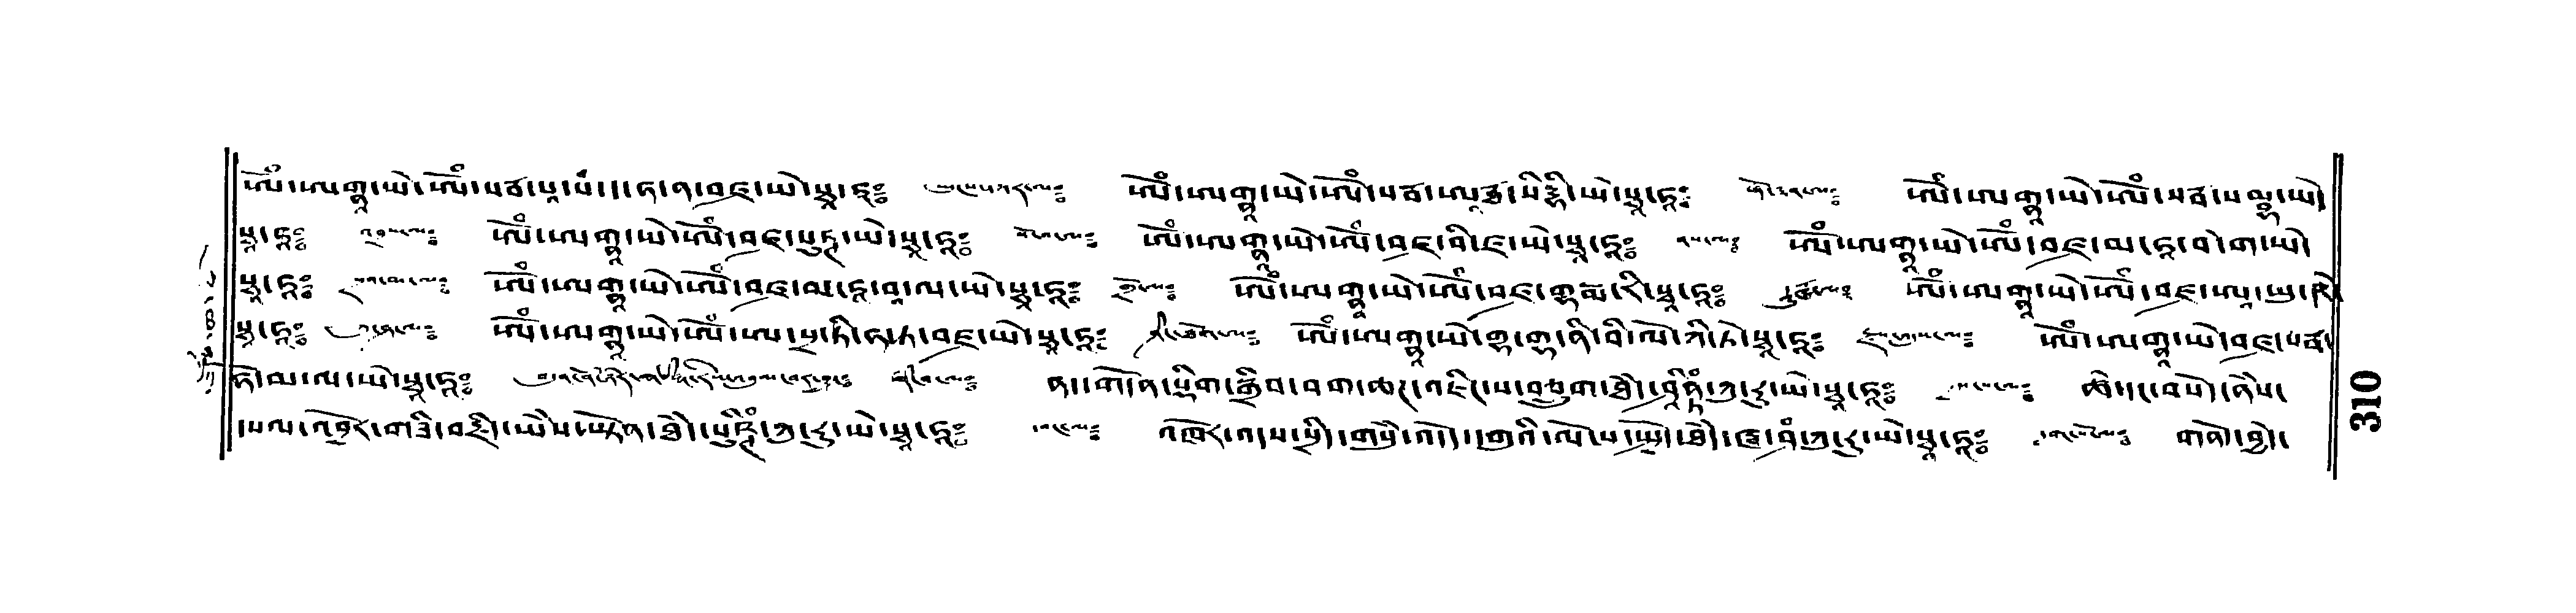ཨོཾ་ཨགྣཱ་ཡེ་ཨོཾ་སརྦ་པཱ་པཾ་ད་ཧ་ན་བཛྲ་ཡེ་སྭཱ་ཧཱ༔ ཡུངས་དཀར་ལ༔ ཨོཾ་ཨགྣཱ་ཡེ་ཨོཾ་སརྦ་ཨཱརྠ་སིདྡྷི་ཡེ་སྭཱ་ཧཱ༔ ཞོ་ཟན་ལ༔ ཨོཾ་ཨགྣཱ་ཡེ་ཨོཾ་སརྦ་སམྦྷ་ཡེ་
སྭཱ་ཧཱ༔ འབྲས་ལ༔ ཨོཾ་ཨགྣཱ་ཡེ་ཨོཾ་བཛྲ་པུཥྚ་ཡེ་སྭཱ་ཧཱ༔ སོ་བ་ལ༔ ཨོཾ་ཨགྣཱ་ཡེ་ཨོཾ་བཛྲ་བི་ཛ་ཡེ་སྭཱ་ཧཱ༔ ནས་ལ༔ ཨོཾ་ཨགྣཱ་ཡེ་ཨོཾ་བཛྲ་མ་ཧཱ་བེ་ག་ཡེ་
སྭཱ་ཧཱ༔ ཀུ་ཤ་ལ༔ ཨོཾ་ཨགྣཱ་ཡེ་ཨོཾ་ཨ་པྲ་ཏི་ཧ་ཏ་བཛྲ་ཡེ་སྭཱ་ཧཱ༔ ཤིང་ཐོག་ལ༔ ཨོཾ་ཨགྣཱ་ཡེ་གྷ་གྷ་ནི་བི་ལོ་ཀི་ཏེ་སྭཱ་ཧཱ༔ རྫས་འདུས་ལ༔ ཨོཾ་ཨགྣཱ་ཡེ་བཛྲ་སརྦ་ཧོ་མ་ལ་ཡེ་
སྭཱ་ཧཱ༔ ཀུང་ཤང་ ཨོཾ་ཨགྟཱ་ཡེ་ཨོཾ་ཨ་པྲ་ཏི་ཧ་ཏ་བཛྲ་ཡེ་སྭ་ཧྭ་ ཤིང་ཐོག་པས་ ཨོཾ་ཨགྟཱ་ཡེ་གྷ་གྷ་ནི་བི་ལོ་ཀི་ཏེ་སྭ་ཧྭ་ རྫས་བླངས་ ཨོཾ་ཨགྟཱ་ཡེ་བཛྲ་པན་
ཧོ་མ་ལ་སེ་སྭཧྭ་ བྷ་བདུན་ནམ་ཉེར་གཅིག་རེས་འབུལ་བར་བྱ༔ ཞི་བ་ལ༔ ནད་གདོན་སྡིག་སྒྲིབ་བག་ཆགས་འཇིགས་པ་བཅུ་དྲུག་ཐམས་ཅད་ཤཱནྟིཾ་ཀུ་རུ་ཡེ་སྭཱ་ཧཱ༔ རྒྱས་པ་ལ༔ ཚེ་དང་བསོད་ནམས་་
དཔལ་འབྱོར་གཟི་བརྗིད་ཡེ་ཤེས་ཡོན་ཏན་ཐམས་ཅད་པུཥྚིཾ་ཀུ་རུ་ཡེ་སྭཱ་ཧཱ༔ དབང་ལ༔ འཁོར་འདས་སྲིད་གསུམ་འདོད་དགུའི་ལོངས་སྤྱོད་ཐམས་ཅད་ཝ་ཤཾ་ཀུ་རུ་ཡེ་སྭཱ་ཧཱ༔ དྲག་པོ་ལ༔ གནོད་བྱེད་